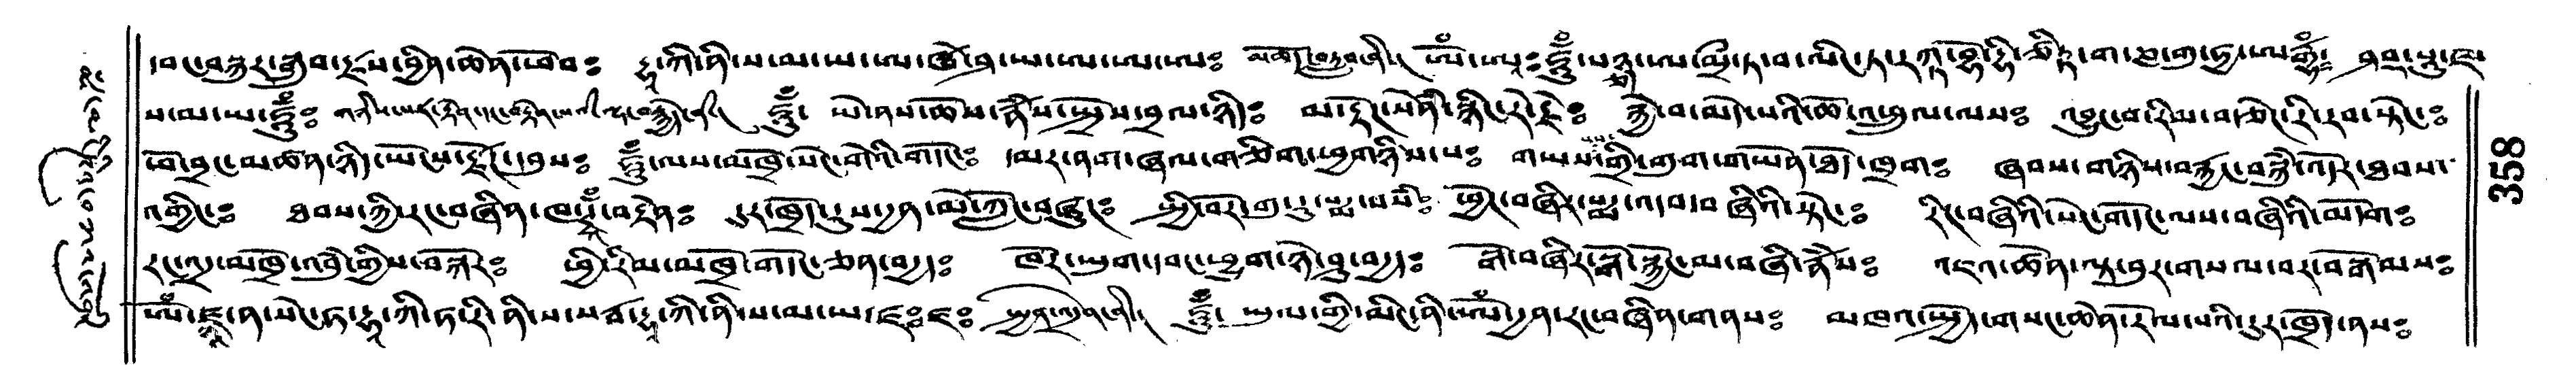དབང་བསྐུར་སྒྲུབ་རྫས་བྱིན་ཆེན་ཕོབ༔ དྷཱ་ཀི་ནི་ས་མ་ཡ་ཨ་ཝེ་ཤ་ཡ་ཨ་ཨ་ཨཱཿ མཆོད་བརླབ་ནི། ཨོཾ་ཨཱཿཧཱུྃ་པཉྩ་ཨ་མྲྀ་ཏ་བ་ལིངྟ་རཀྟ་བྷོ་དྷི་ཙིཏྟ་ག་ཎ་གུ་ཧྱ་ཨརྒྷཾ༴ ཤབྡ་པཱུ་ཛ་
ས་མ་ཡ་ཧཱུྃ༔ གཉིས་པ་རྟེན་དང་བརྟེན་པའི་ལྷ་བསྐྱེད་ནི། ཧཱུྃ༔ ཡེ་ནས་ཆོས་རྣམས་སྤྲོས་བྲལ་ཉིད༔ མ་རྟོགས་སེམས་ཅན་སྙིང་རེ་རྗེ༔ སྐྱེ་བ་མེད་པའི་ཆོ་འཕྲུལ་ལས༔ འབྱུང་བ་རིམ་བརྩེགས་རི་རབ་སྟེང༔ 
ཕོ་བྲང་མཚན་ཉིད་ཡོངས་རྫོགས་དབུས༔ ཧཱུྃ་ལས་མཁའ་འགྲོ་སེང་གེའི་གདོང༔ དམར་ནག་ཞལ་གཅིག་ཕྱག་གཉིས་པ༔ གཡས་པས་གྲི་གུག་གཡོན་ཐོད་ཁྲག༔ཞབས་གཉིས་བརྐྱང་བསྐུམ་འདོར་ཐབས་
འགྱིང༔ ཐབས་ཀྱི་རང་བཞིན་ཁ་ཊྭཱྃ་བརྟེན༔ དུར་ཁྲོད་རུས་རྒྱན་མེ་ཀློང་བཞུགས༔ སྤྱི་བོར་གུ་རུ་པདྨ་བསམ༔ ཕྱོགས་བཞིར་པདྨ་འདབ་བཞིའི་སྟེང༔ རིགས་བཞིའི་སེང་གདོང་ལས་བཞིའི་མདོག༔ 
རང་འདྲ་མཁའ་འགྲོ་འབུམ་གྱིས་བསྐོར༔ ཕྱི་རིམ་མཁའ་འགྲོ་གདོང་ཅན་བརྒྱད༔ ཁོར་ཡུག་དབང་ཕྱུག་ཉི་ཤུ་བརྒྱད༔ སྒོ་བཞིར་སྒོ་སྐྱོང་མ་བཞི་རྣམས༔ འཇའ་ཚོན་ལྟ་བུར་གསལ་བར་བསྒོམ༔ 
ཨོཾ་ཛྙཱ་ན་སེང་ཧ་དྷཱ་ཀི་ཧ་རི་ནི་ས་སརྦ་དྷཱ་ཀི་ནི་ས་མ་ཡ་ཛཿཛཿ སྤྱན་འདྲེན་ནི། ཧཱུྃ༔ ཡུལ་གྱི་མིང་ནི་ཨོ་རྒྱན་རང་བཞིན་གནས༔ མཁའ་སྤྱོད་གསང་ཆེན་རོལ་པའི་དུར་ཁྲོད་ནས༔